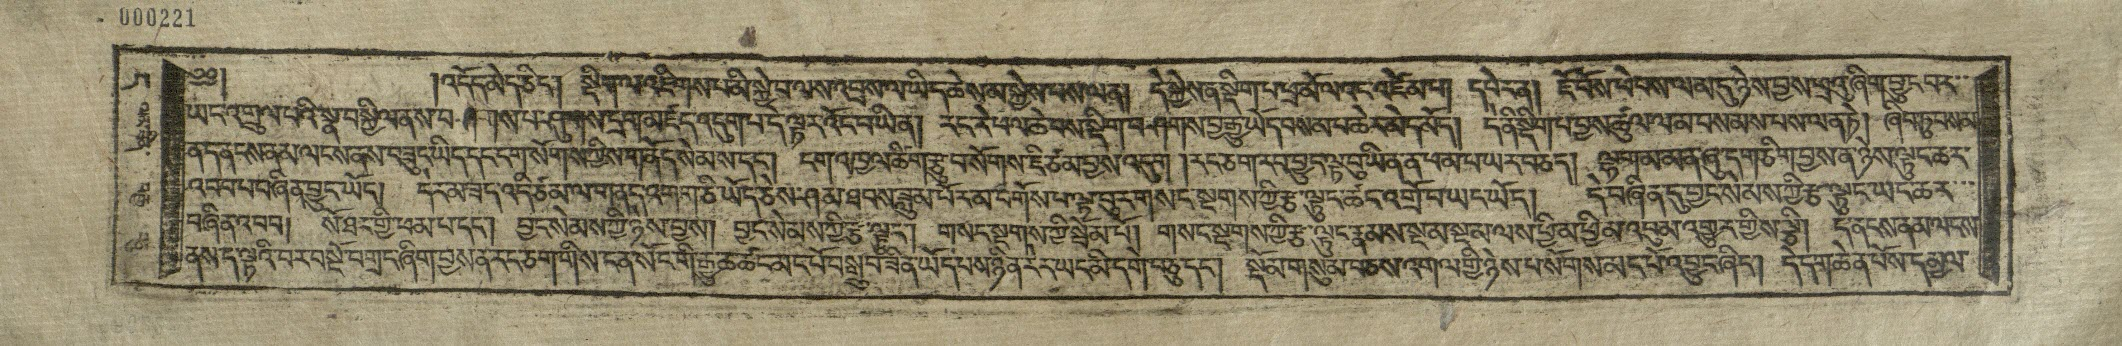༄༅། །འདོད་མེད་ཅིང་། སྡིག་ལ་འཇིགས་པ་མི་སྐྱེ་བ་ལས་འབྲས་ལ་ཡིད་ཆེས་མ་སྐྱེས་བས་ལ་ན། དེ་སྐྱེས་ན་སྡིག་པ་ཕྲ་མོ་ལའང་འཛེམ་པ། དཔེར་ན། ཇོ་བོས་ཕེབས་ལམ་དུ་ཉེས་བྱས་ཕྲའུ་ཞིག་བྱུང་བར་
ཡང་འགྲུལ་པའི་སྣ་བསྐྱིལ་ནས་བཤགས་པ་ཤུགས་དྲག་མཛད་འདུག་པ་དེ་ལྟར་འོང་བ་ཡིན། རང་རེ་ཕལ་ཆེ་བས་སྡིག་བཤགས་བྱ་རྒྱུ་ཡོད་བསམ་པ་ཆེར་མེད་མོད། དེ་ནི་སྡིག་པ་བྱས་ཚུལ་ལ་མ་བསམས་བས་ལན་ཏེ། ཞིབ་ཏུ་བསམ་
ན་ད་ནངས་ནམ་ལངས་ནས་བཟུང་ཡིད་དང་ངག་སོགས་ཀྱིས་གནོད་སེམས་དང་། ངག་འཁྱལ་ཚིག་རྩུབ་སོགས་ཇི་ཙམ་བྱས་འདུག །རང་ཅག་རབ་བྱུང་ལྟ་བུ་ཡིན་ན་ཕམ་པ་ཡར་བཅད། ལྷག་མ་མན་ཞུ་དག་ཅིག་བྱས་ན་ཉེས་ལྟུང་ཆར་
འབབ་པ་བཞིན་བྱུང་ཡོད། དེར་མ་ཟད་འདི་ཙམ་ལ་གནད་འགག་ཅི་ཡོད་ཅེས་ཤམ་ཐབས་ཟླུམ་པོར་མ་བགོས་པ་ལྟ་བུར་གསང་སྔགས་ཀྱི་རྩ་ལྟུང་ཚང་འགྲོ་བ་ཡང་ཡོད། དེ་བཞིན་དུ་བྱང་སེམས་ཀྱི་རྩ་ལྟུང་ཡང་ཆར་
བཞིན་འབབ། སོ་ཐར་གྱི་ཕམ་པ་དང་། བྱང་སེམས་ཀྱི་ཉེས་བྱས། བྱང་སེམས་ཀྱི་རྩ་ལྟུང་། གསང་སྔགས་ཀྱི་སྦོམ་པོ། གསང་སྔགས་ཀྱི་རྩ་ལྟུང་རྣམས་སྔ་མ་སྔ་མ་ལས་ཕྱི་མ་ཕྱི་མ་འབུམ་འགྱུར་གྱིས་ལྕི། ད་ནངས་ནམ་ལངས་
ནས་ད་ལྟའི་བར་བསྔོ་བགྲང་ཞིག་བྱས་ན་རང་ཅག་གིས་ངན་སོང་གི་རྒྱུ་ཆ་ཚང་མང་པོ་བསྒྲུབ་ཟིན་ཡོད་པས་ཉིན་རེར་ཡང་མི་དགེ་བཅུ་དང་། སྡོམ་གསུམ་བཅས་འགལ་གྱི་ཉེས་པ་སོགས་མང་པོ་འབྱུང་ཞིང་། དེ་དག་ཆེན་པོས་དམྱལ་